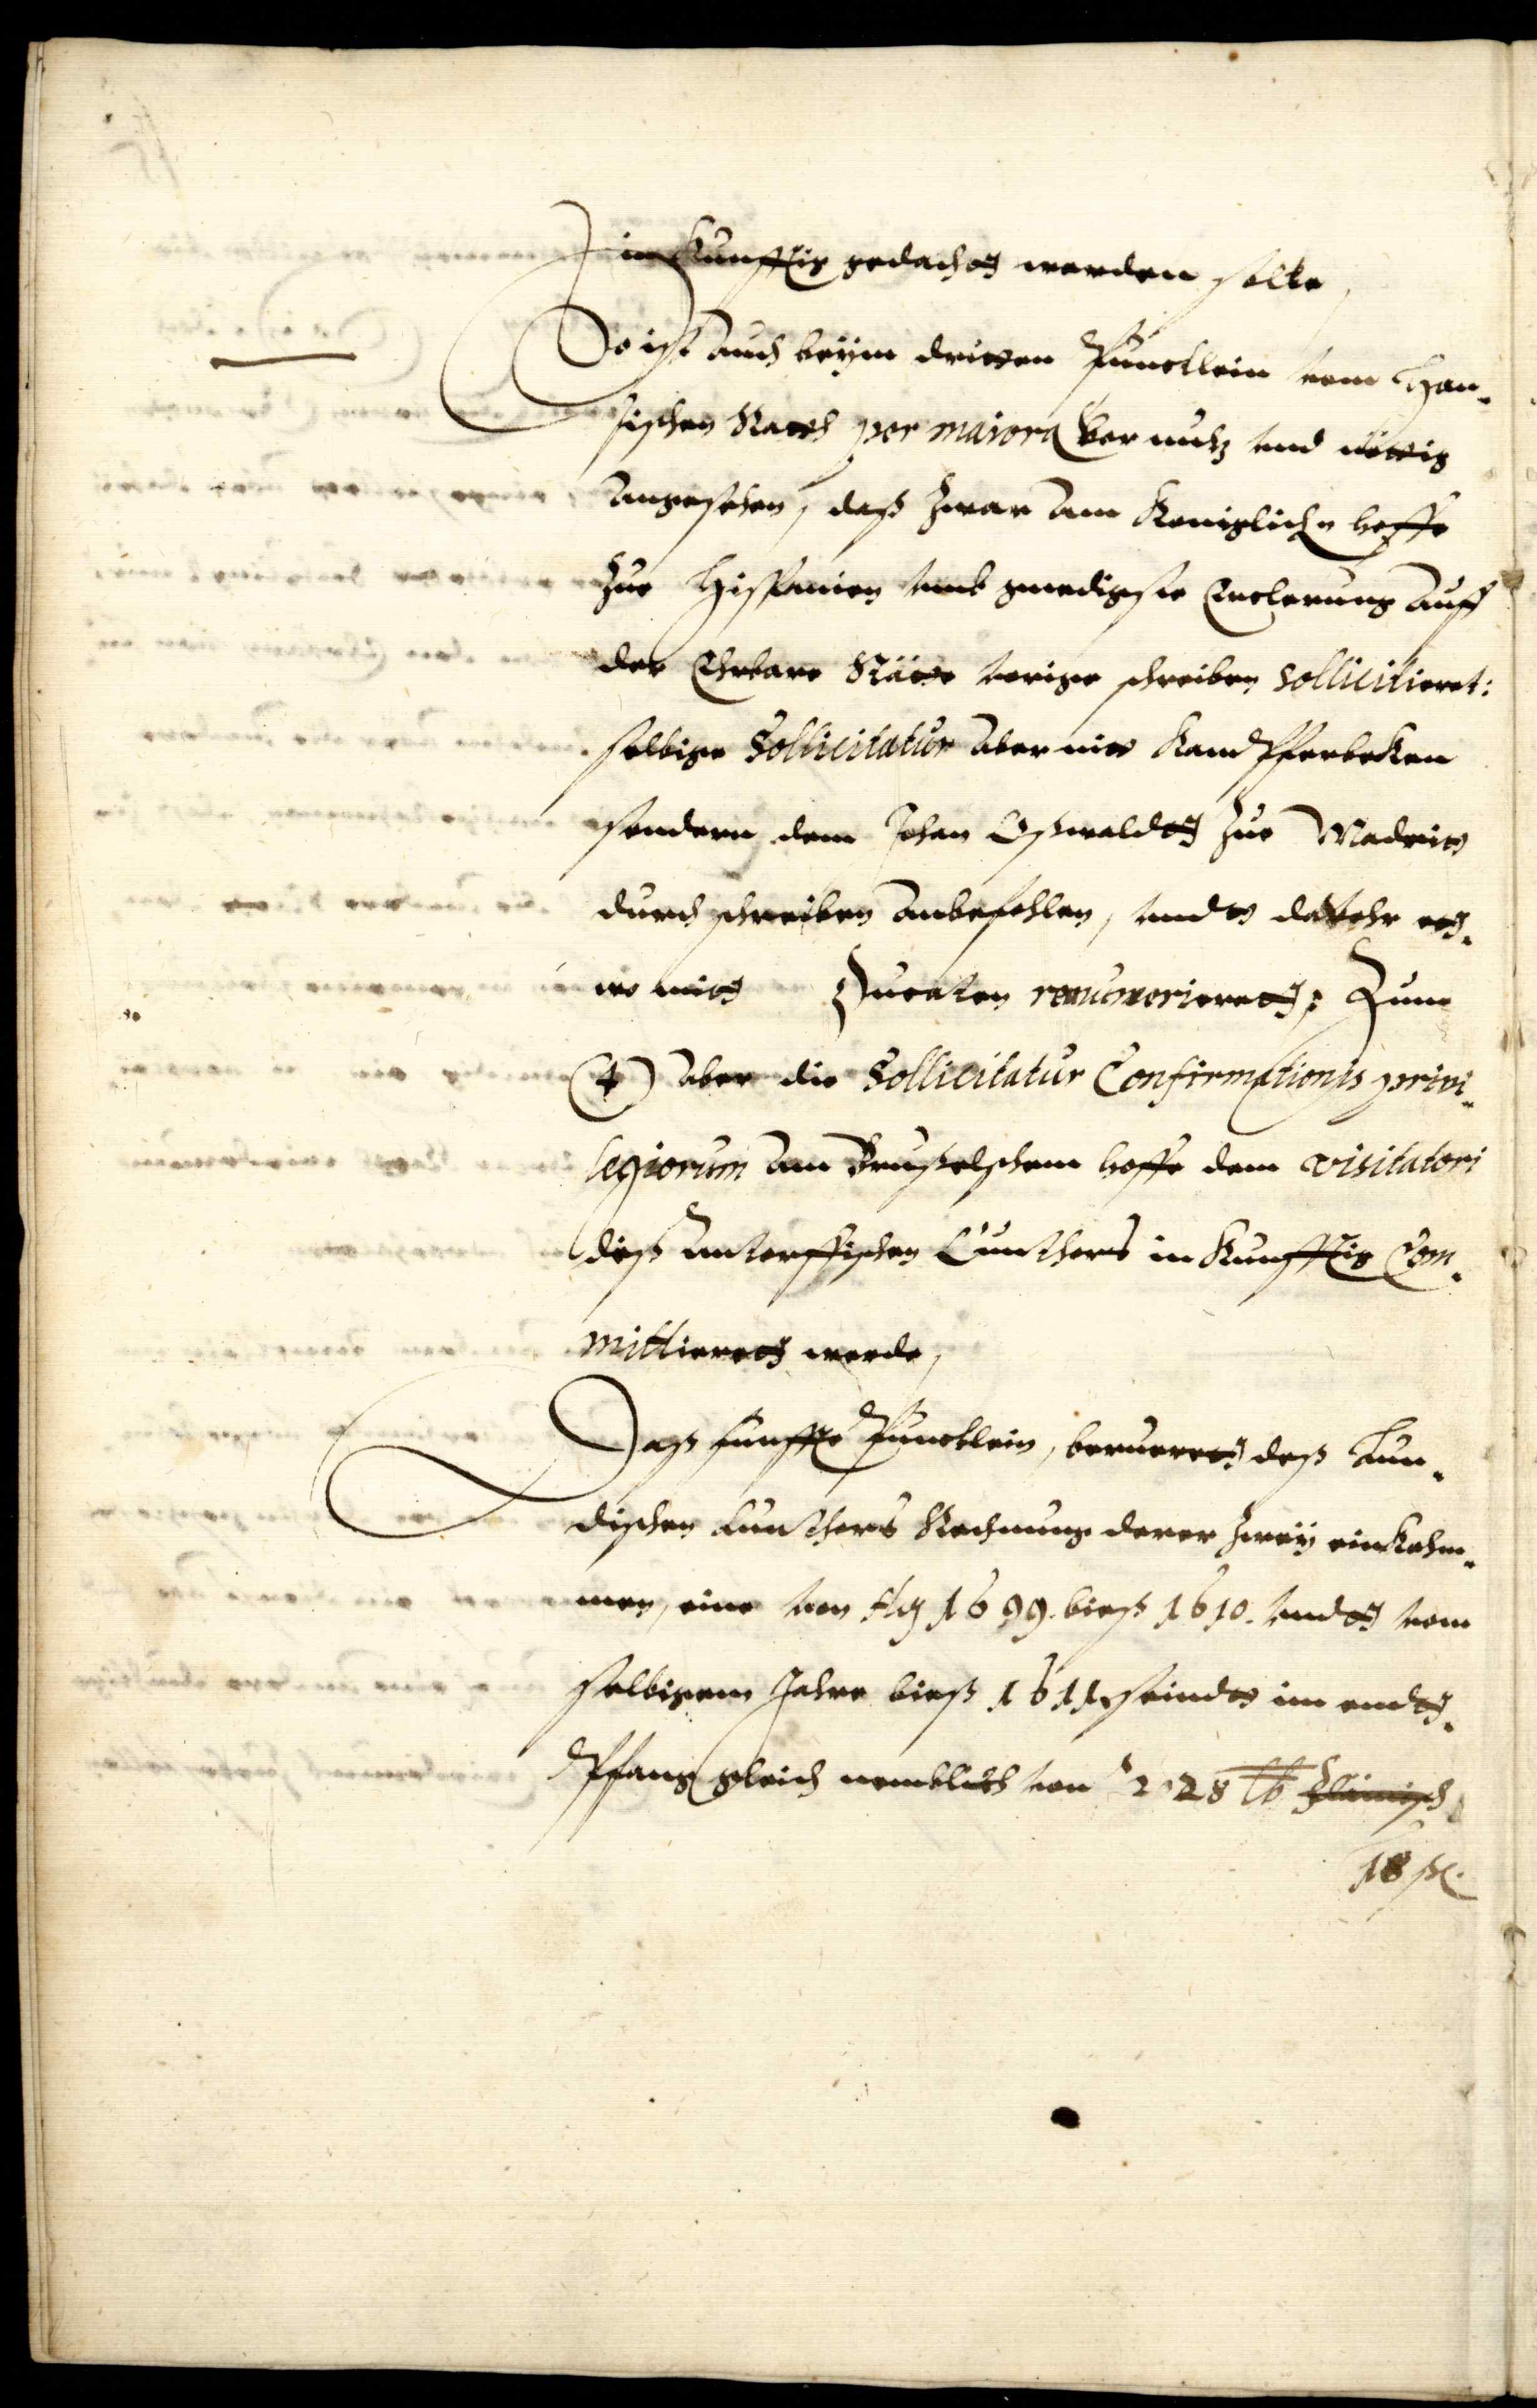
in kunfftig gedachtt werden solte,
So ist auch beijm dritten Punctlein vom Han¬
sischen Ratth per maiora vor nutz vnd nöttig
angesehen, daß zwar am koniglichen hoffe
zue Hispanien vmb gnedigste Erclerung Auff
der Ehrbare Stätte vorige schreiben sollicitieret:
selbige sollicitatur Aber nitt Kampfferbeken
sondern dem Johan Oßwaldtt zue Madritt
durch schreiben Anbefohlen, vndtt davohr ett¬
wo mitt Ducaten remunerierett: Zum
(4) Aber die Sollicitatur Confirmationis privi¬
legiorum am Brußelschem hoffe dem visitatori
deß Antorffischen Cunthors in kunfftig Com¬
mittierett werde,
Daß funffte Punctlein beruerett deß Lun¬
dischen Cunthors Rechnung derer zweij einkahm¬
men, eine von Ao 1609. bieß 1610. vndtt vom
selbigem Jahre bieß 1611. seindtt im endtt¬
pfang gleich nemblich von s2028 lb flämisch
18 ßl.
